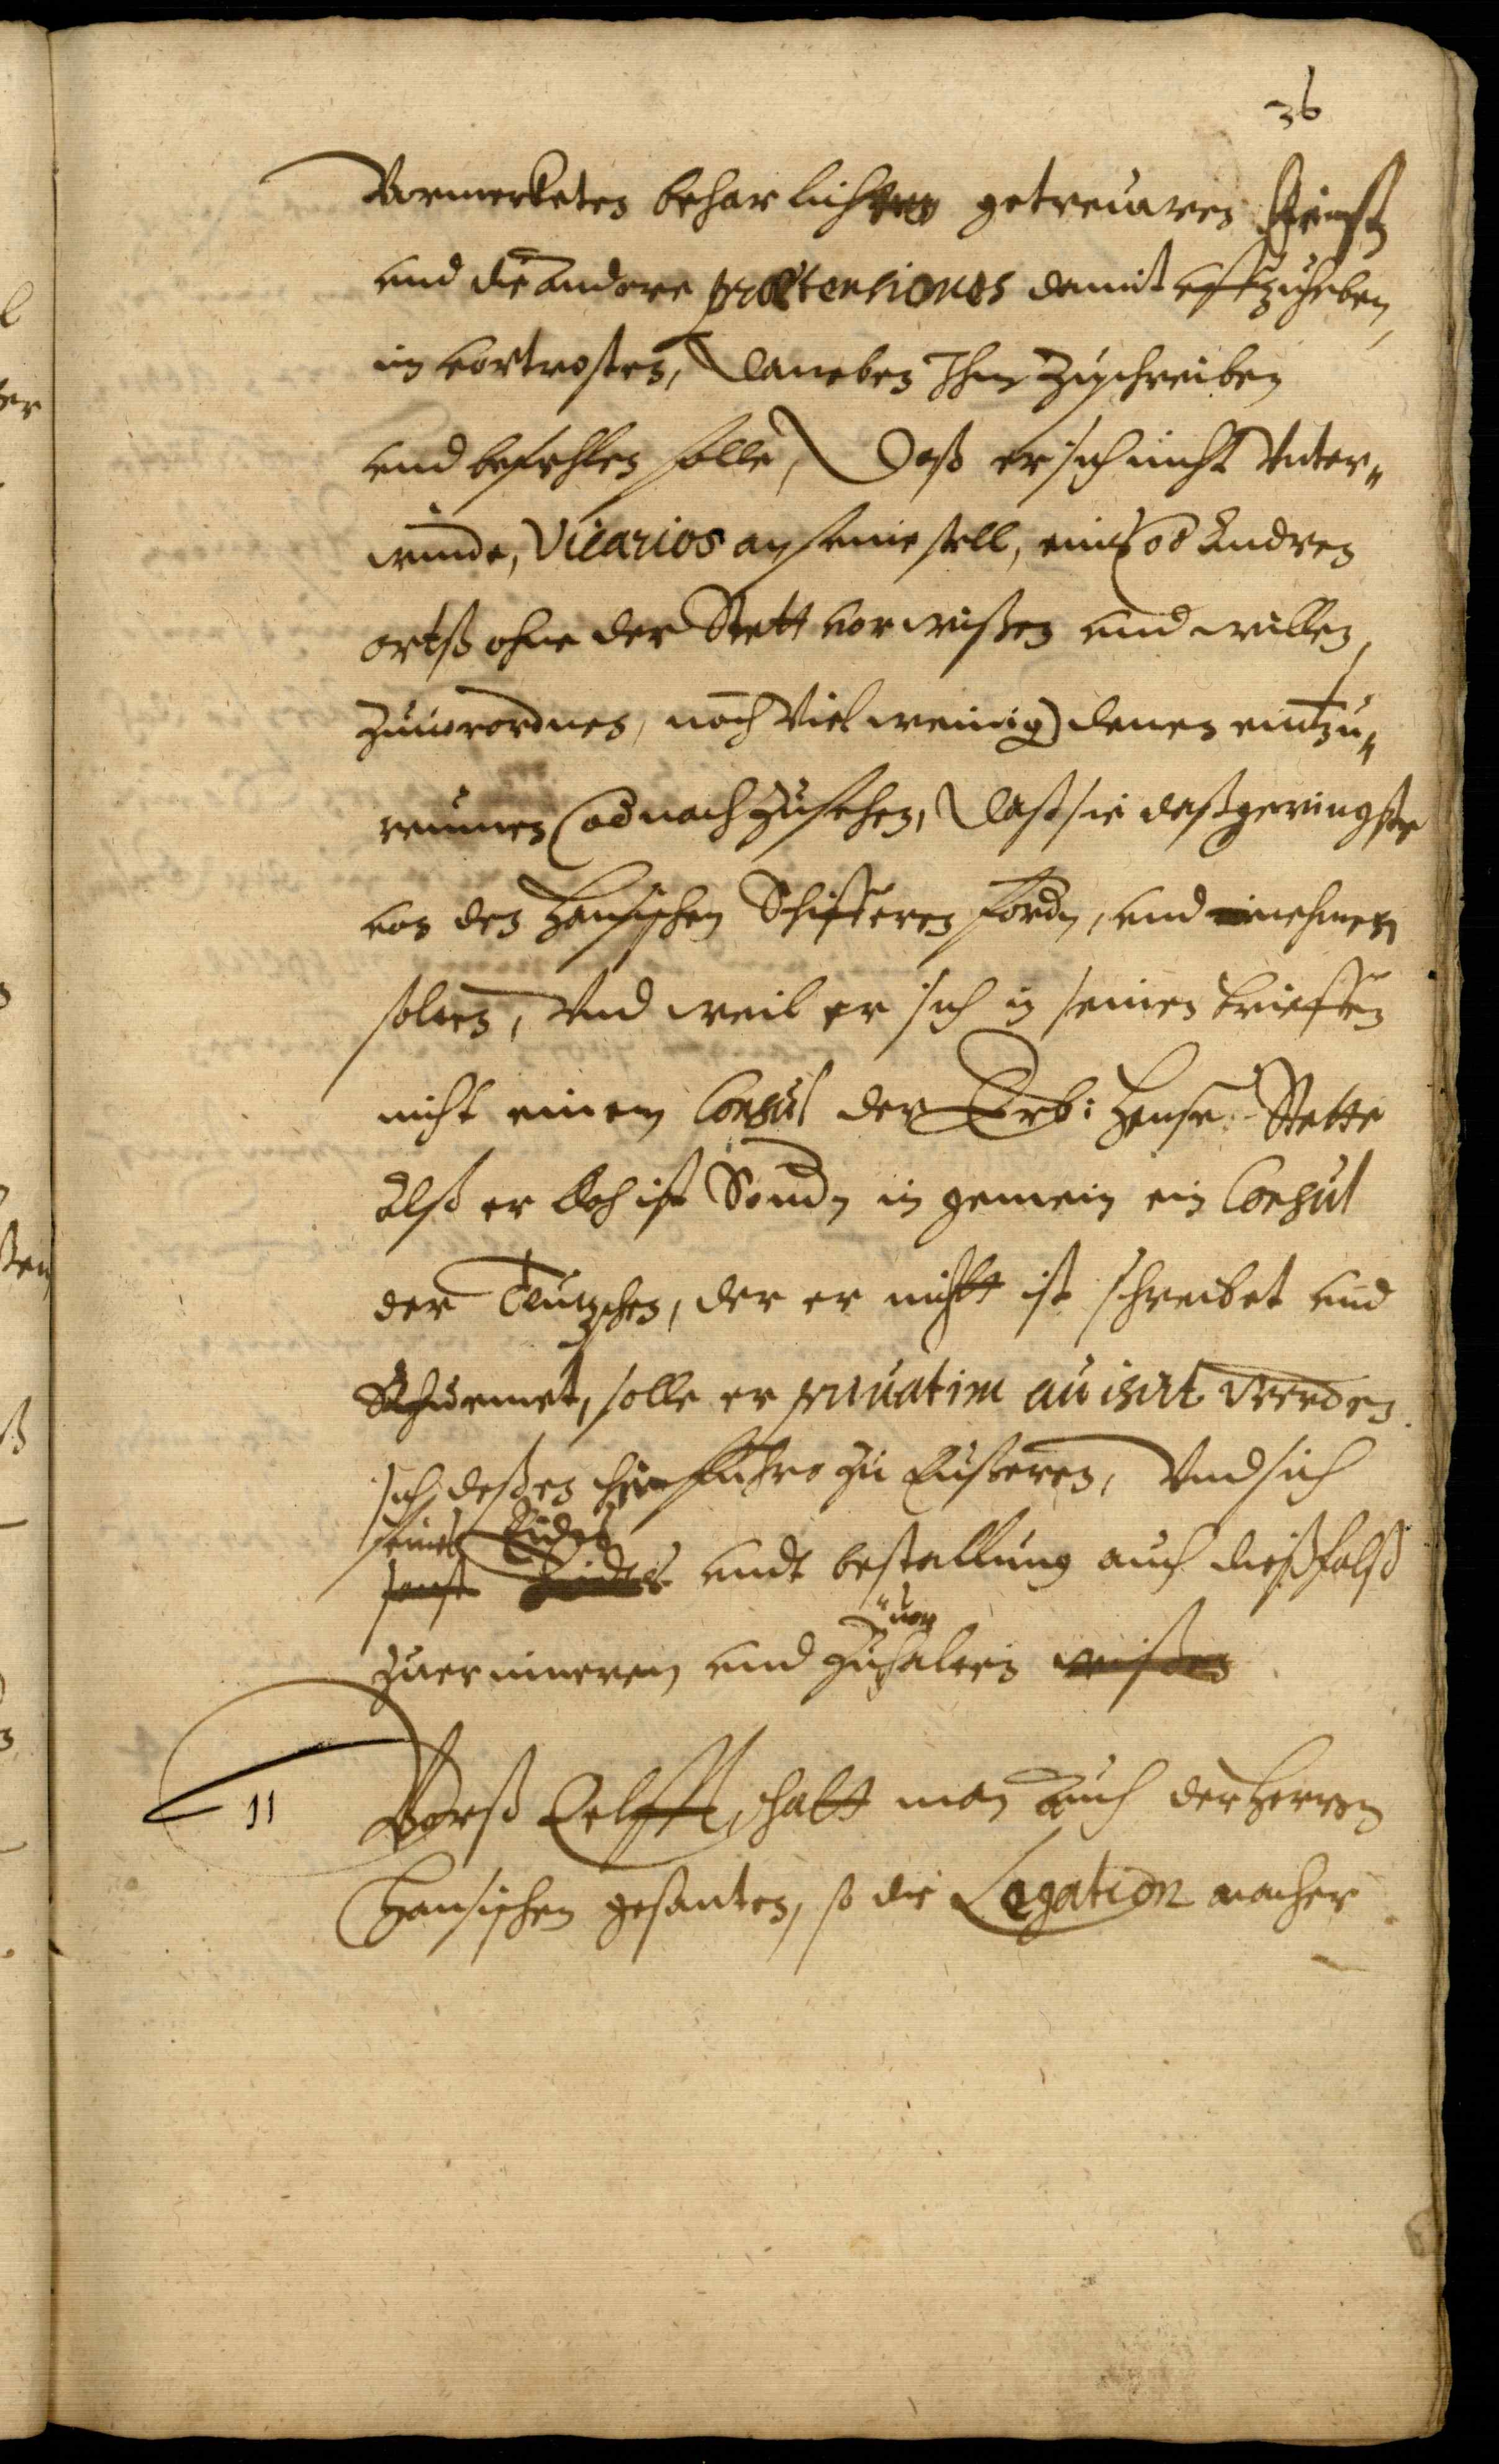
36
vormerketen beharlichten getreuwen diensten
vnd die Andern praetensiones damit vffzuheben,
im vortrosten, Daneben Ihm zuschreiben
vnd befehlen solle, Daß er sich nicht Vnter¬
winde, vicarios an seine stell, eines oder Andren
ortß ohne der Stett vorwißen vnd willen,
zuuorordnen, noch viel weiniger denen eintzu¬
reumen oder nachzustehen, Daß sie daß geringste
von den Hansischen Schiffern fordern, vnd einehmen
solten, Vnd weil er sich in seinen brieffen
nicht einem Consul der Erb: Hanse Stette
Alß er doch ist Sondern in gemein ein Consul
der Teutzschen, der er nicht ist schreibet vnd
Rhedennet, solle er priuatim auisirt werden
sich deßen hinfuhro zu Eußeren, Vnd sich
seines Eides
sonst Eides vndt bestallung auch dißfalß
zuerinneren vnd zuvorhalten wißen.
11
Vorß Eelfft, hatt man Auch der herren
Hansischen gesanten, so die Legation nacher
